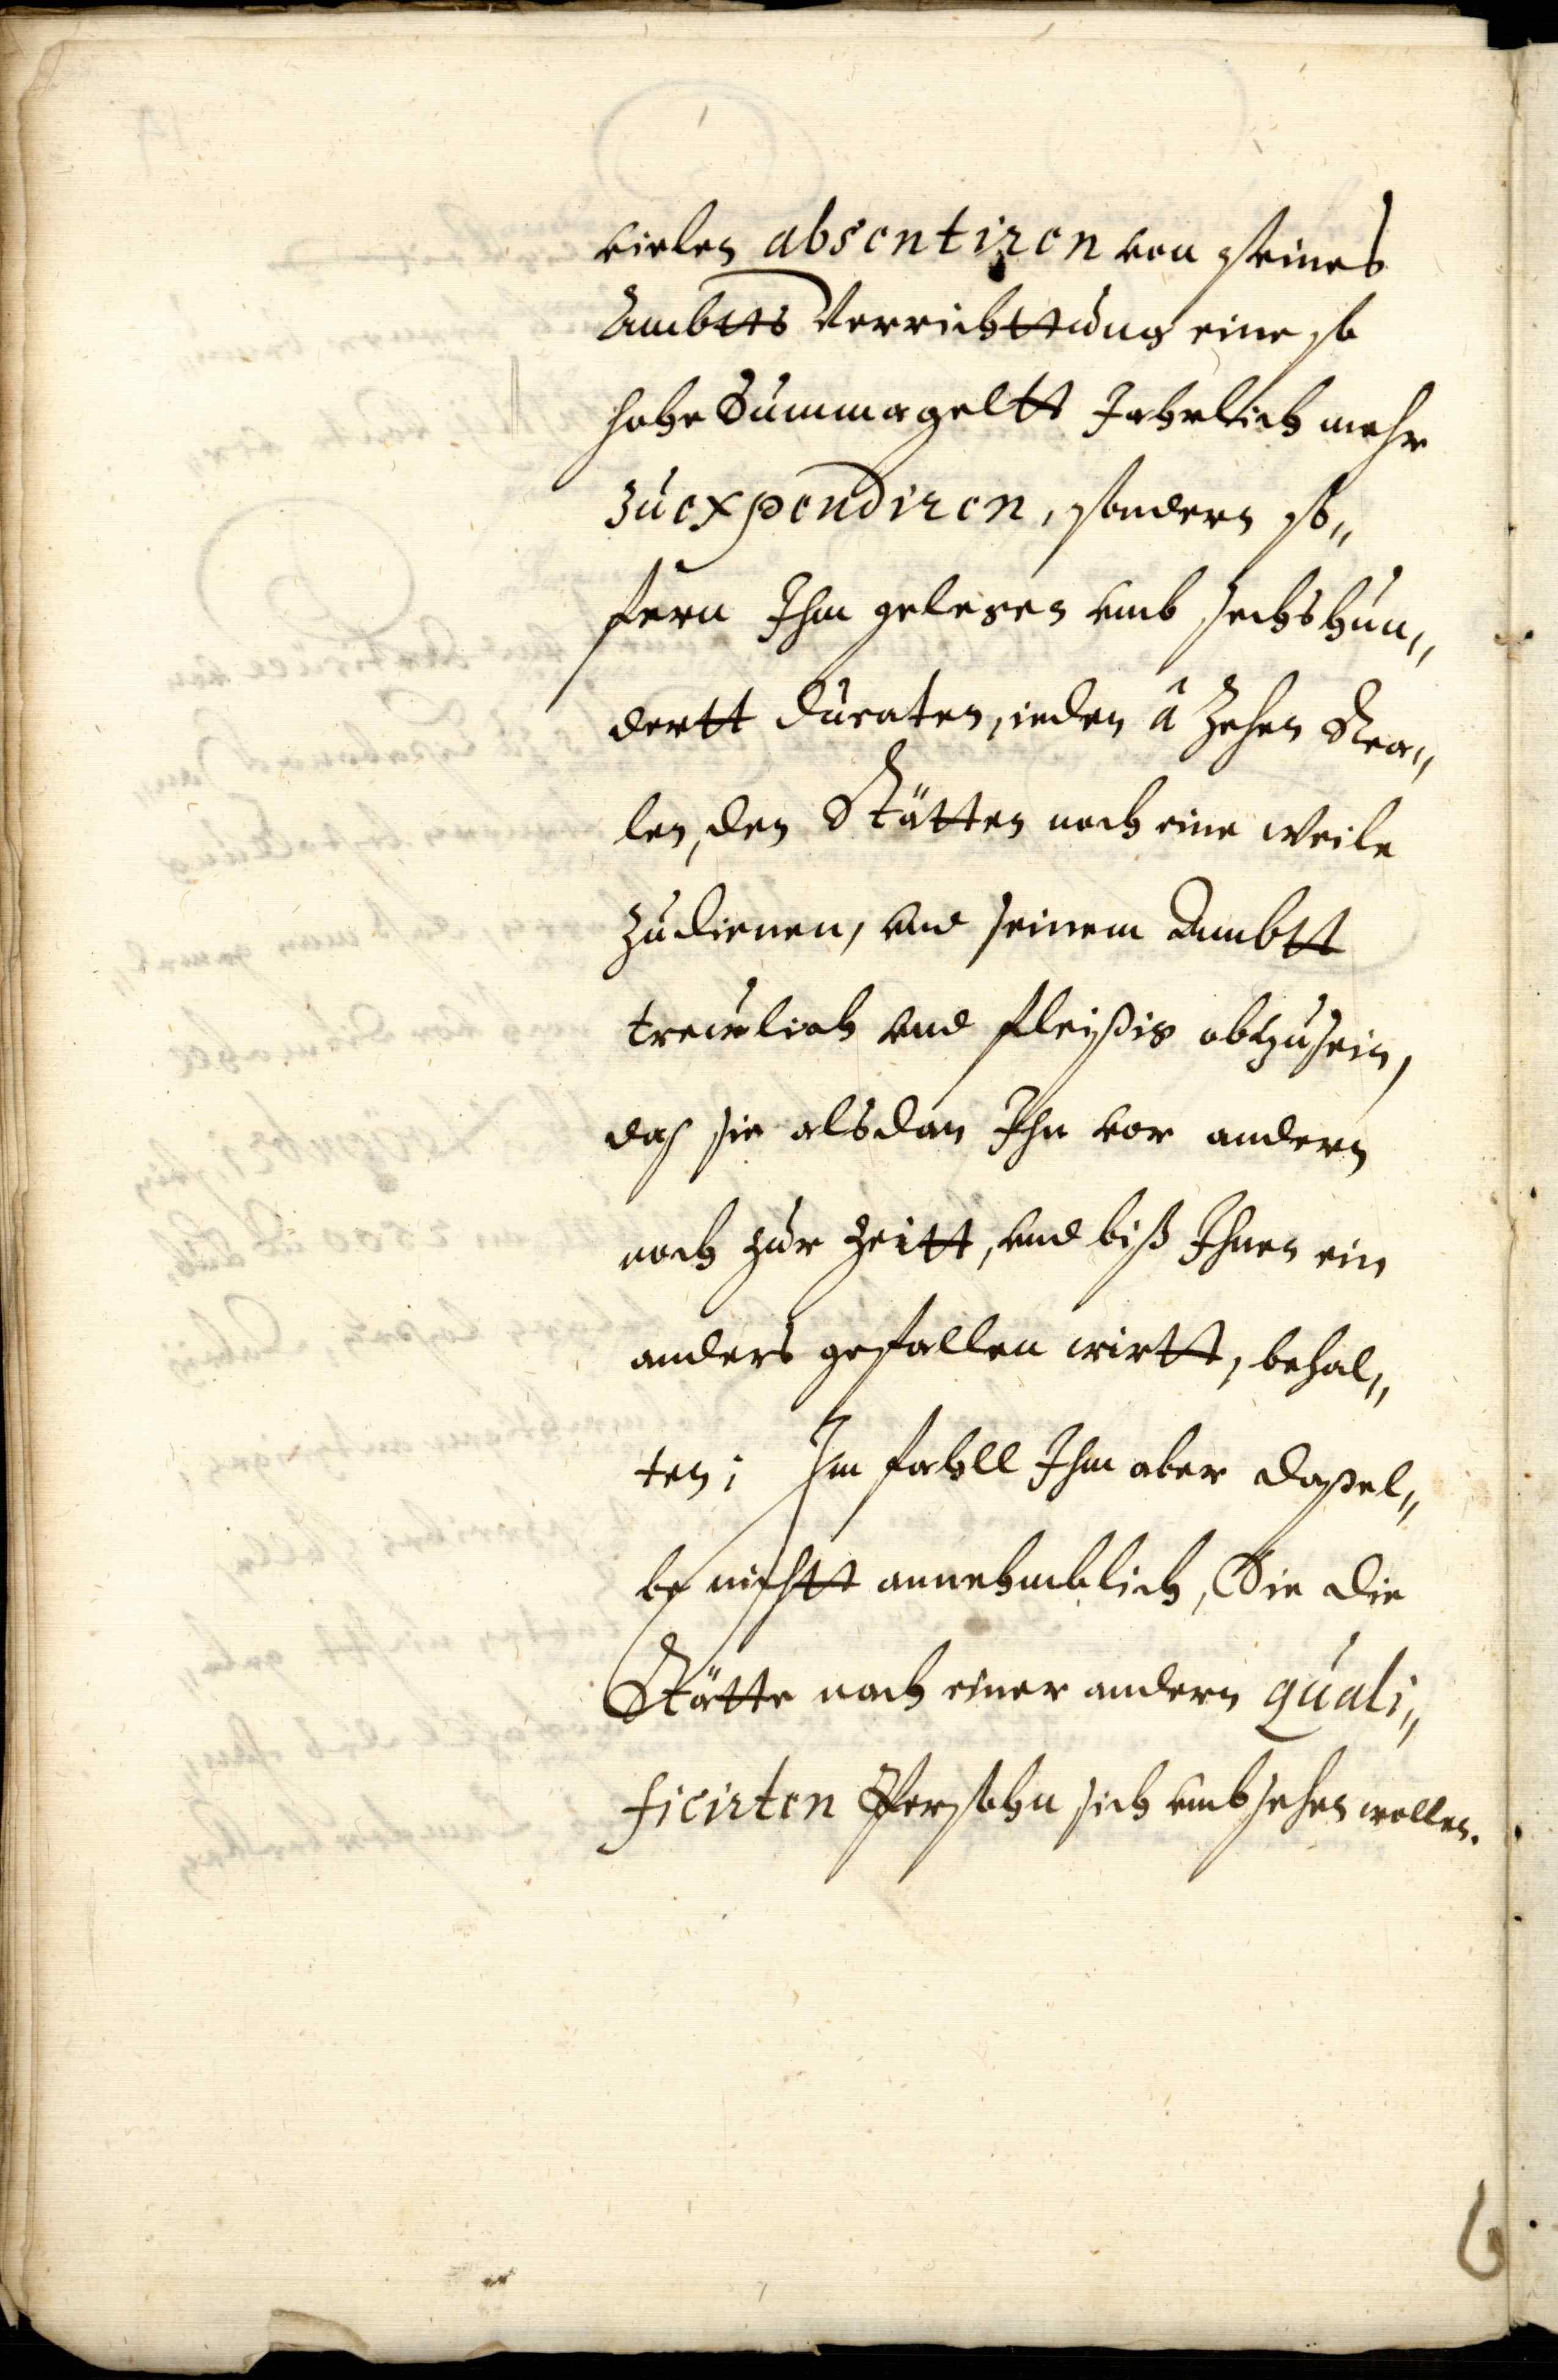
vielen absentiren von seines
Ambtts Verrichttung eine so
hohe Summa geltt Jahrlich mehr
zu expendiren, sondern so¬
fern Ihm gelegen vmb sechshun¬
dertt ducaten, ieden â Zehen Rea¬
len, den Stätten noch eine weile
zudienen, vnd seinem Ambtt
trewlich vnd fleißig obtzusein,
daß sie alsdan Ihn vor andern
noch zur Zeitt, vnd biß Ihnen ein
anders gefallen wirtt, behal¬
ten; Im fahll Ihm aber daßel¬
be nichtt annehmblich, Sie die
Stätte nach einer andern quali¬
ficirten Persohn sich vmbsehen wollen,
